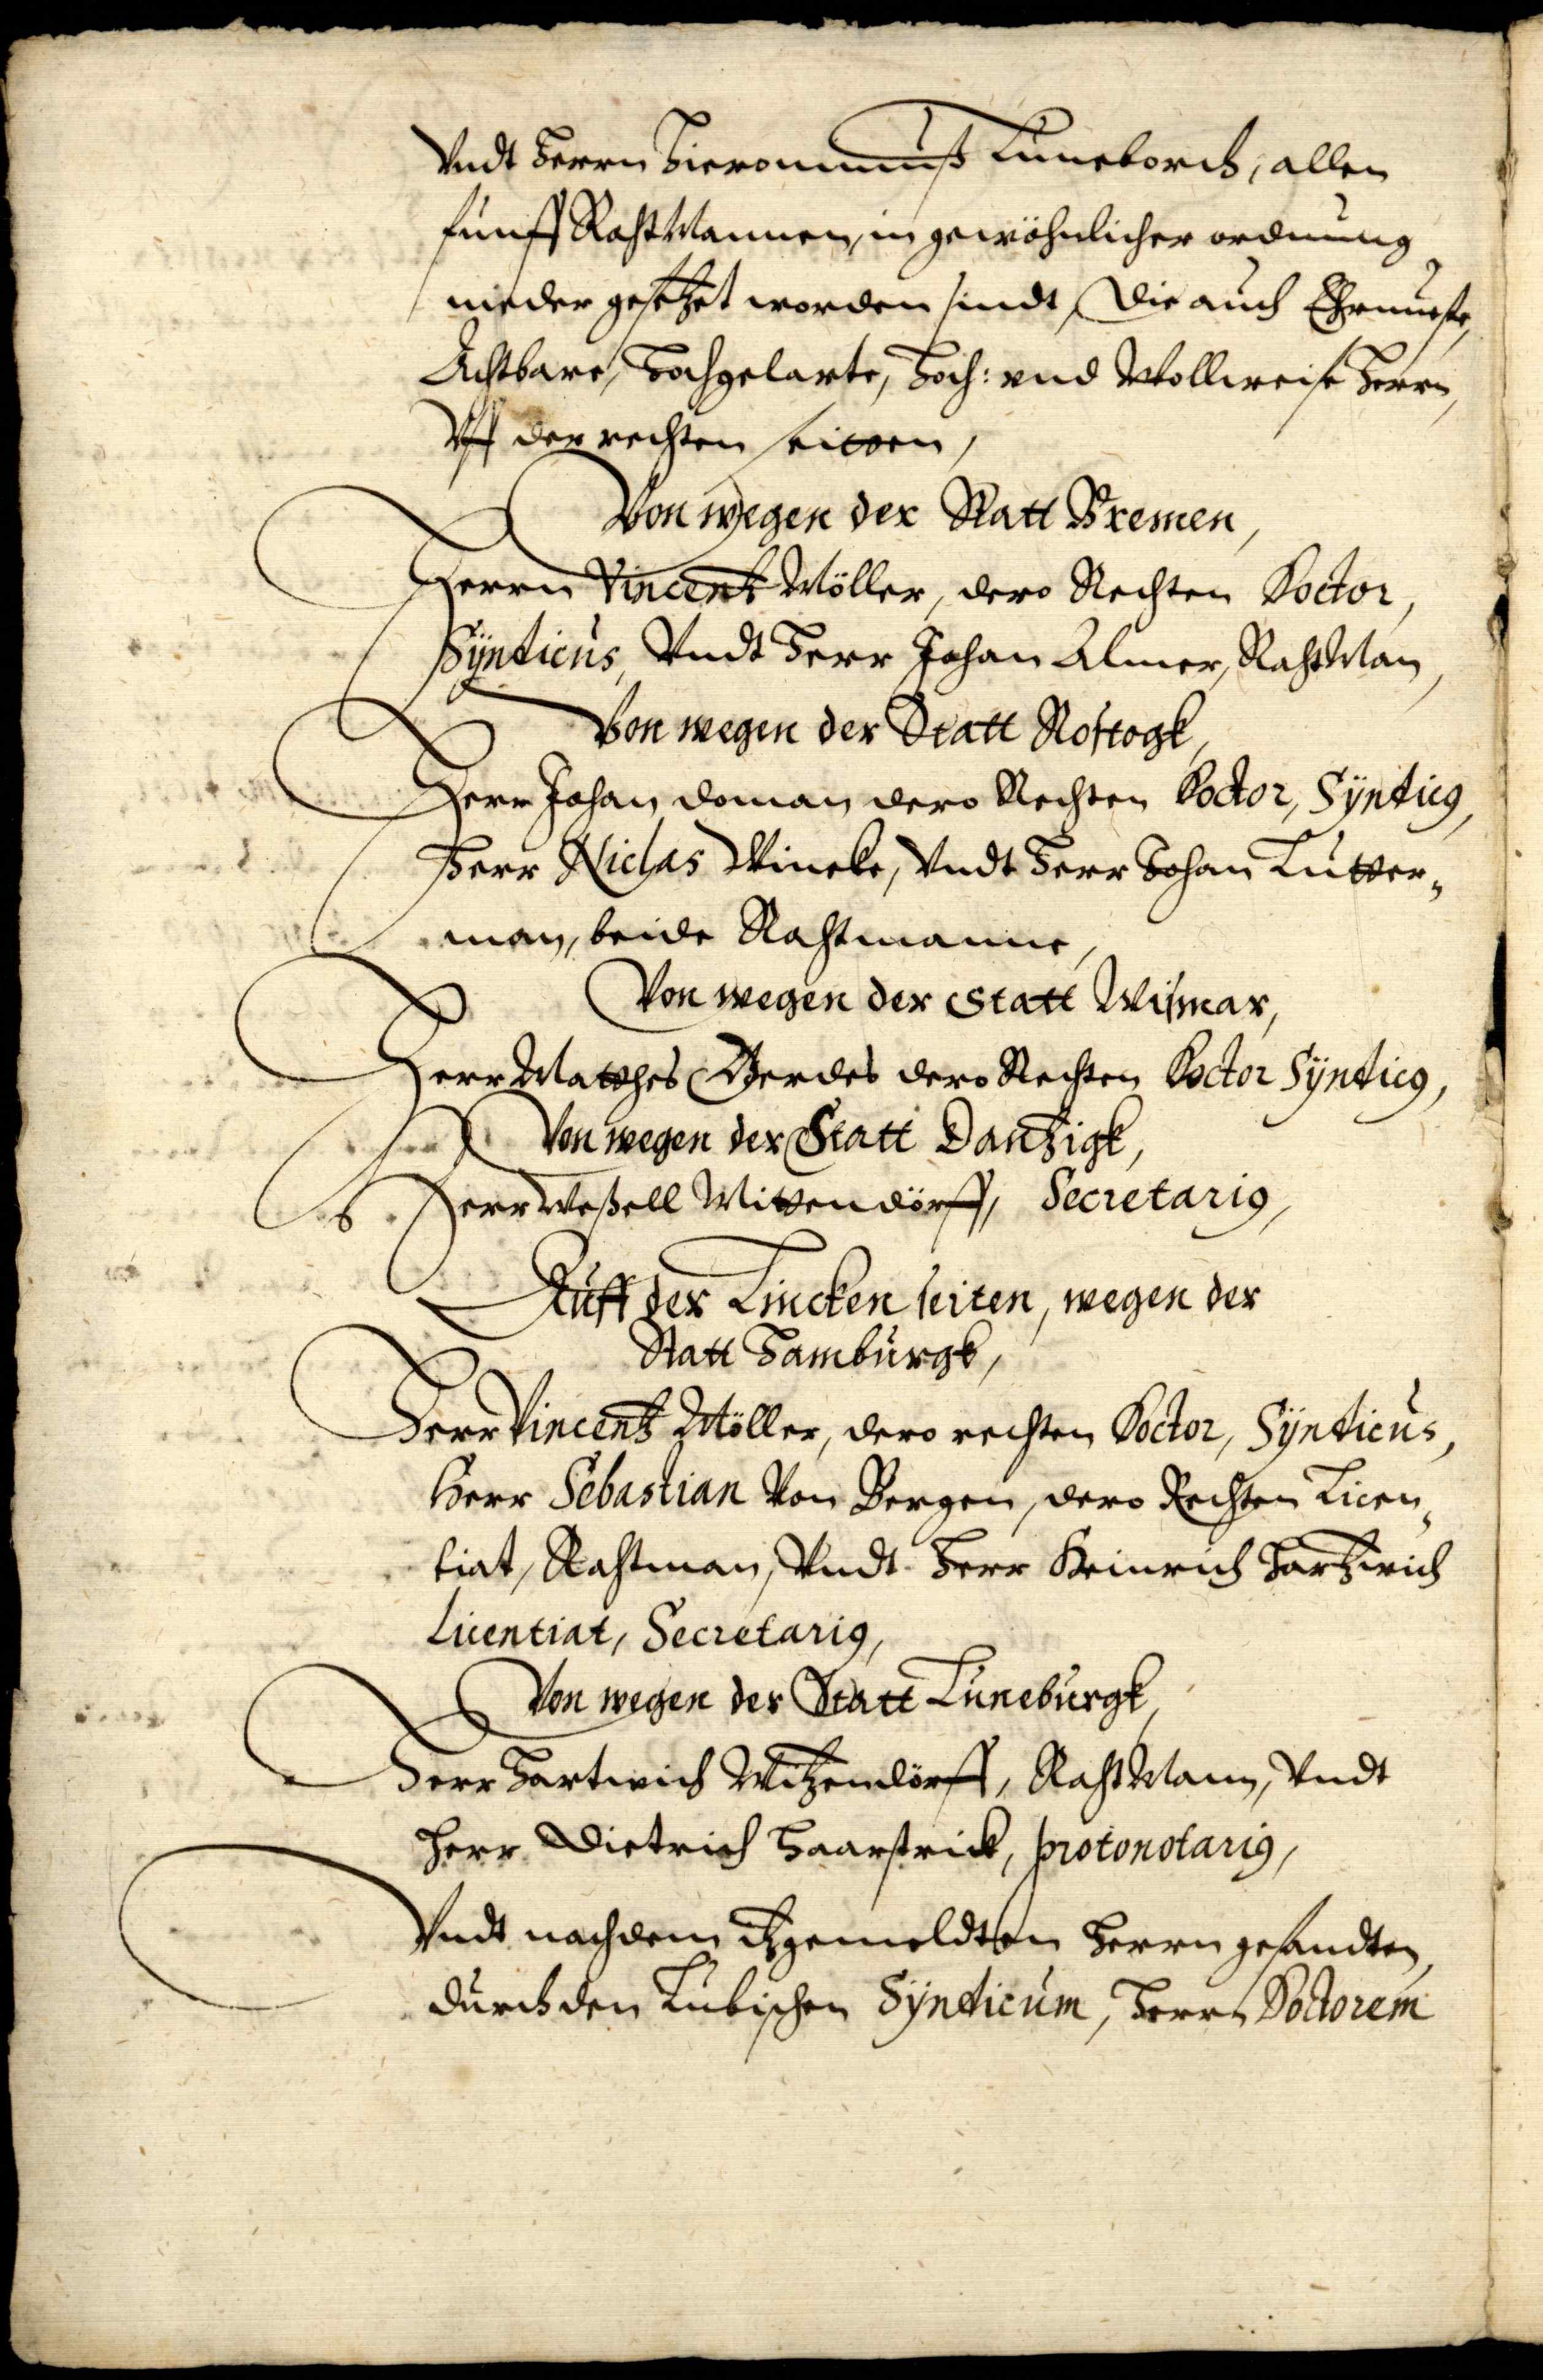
vndt Herrn Hieronimuß Luneborch, allen
funf Raht Mannen, in gewöhnlicher ordnung
nieder gesetzet worden sindt, die auch Ehrnueste,
Achtbare, Hochgelarte, Hoch: vnd Wollweise Herrn,
Vff der rechten seitten,
Von wegen der Statt Bremen,
Herrn Vincent Möller dero Rechten Doctor,
Sijndicus, vndt Herr Johan Almer, Raht Man,
Von wegen der Statt Rostogk,
Herr Johan Doman dero Rechten Doctor, Sijndicus,
Herr Niclas Wincke, vndt Herr Johan Lutter¬
man, beide Rahtmanne,
Von wegen der Statt Wißmar,
Herr Matthes Gerdes dero Rechten Doctor Sijndicus,
Von wegen der Statt Dantzigk,
Herr Weßell Mittendörff, Secretarius,
Auff der Lincken leiten, wegen der
Statt Hamburgk,
Herr Vincentz Möller, dero rechten Doctor, Sijndicus,
Herr Sebastian Von Bergen, dero Rechten Licen¬
tiat, Rahtman, Vndt herr Heinrich Hartwich
Licentiat, Secretarius,
Von wegen der Statt Luneburgk,
Herr Hartwich Witzendorff, RahtMann, Vndt
herr Dietrich Haarstrick, protonotarius,
Vndt nachdem itzgemeldten herrn gesandten,
durch den Lubischen Sijndicum, herrn Doctorem
